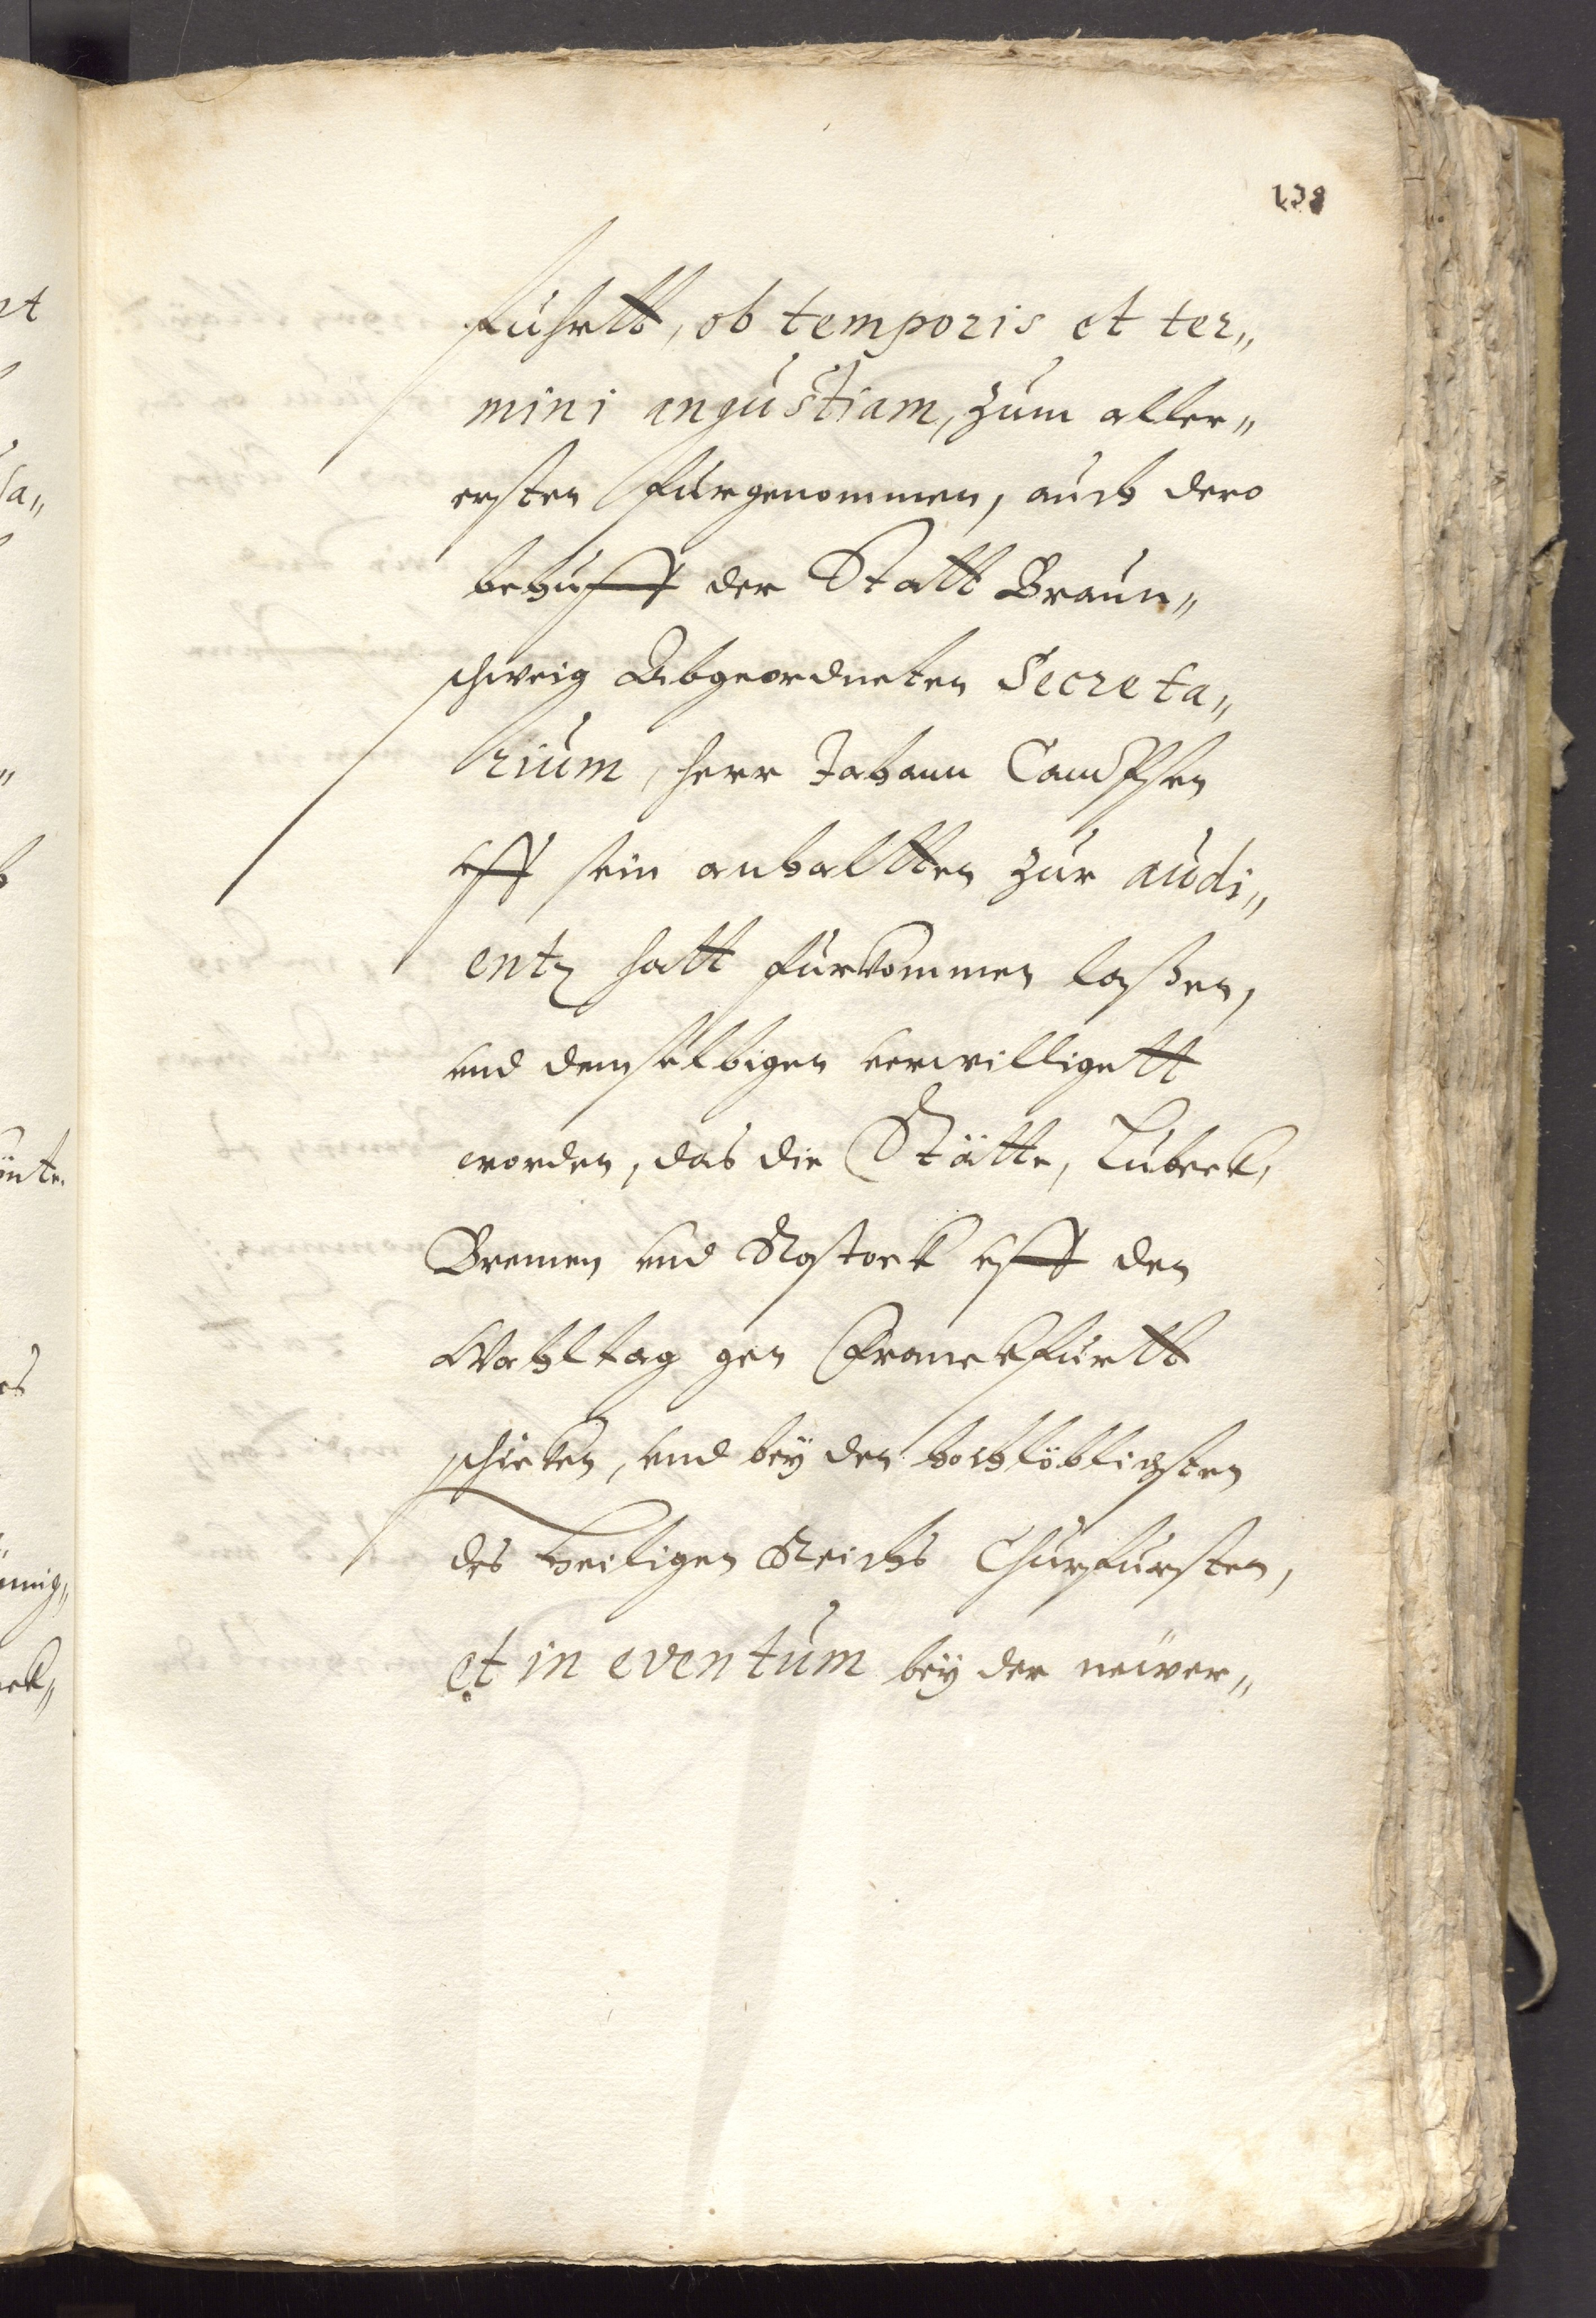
138
fuhrtt, ob temporis et ter¬
mini angustiam, zum aller¬
ersten furgenommen, auch dero
behuff der Statt Braun¬
schweig Abgeordneten Secreta¬
rium, herr Iohann Campsen
vff sein anhaltten zur audi¬
entz hatt furkommen laßen,
vnd demselbigen verwilligett
worden, das die Stätte, Lubeck,
Bremen und Rostock vff den
Wahltag gen Franckfurtt
schicken, und beij den hochlöblichsten
des Heiligen Reichs Churfürsten,
et in eventum beij der newer¬
